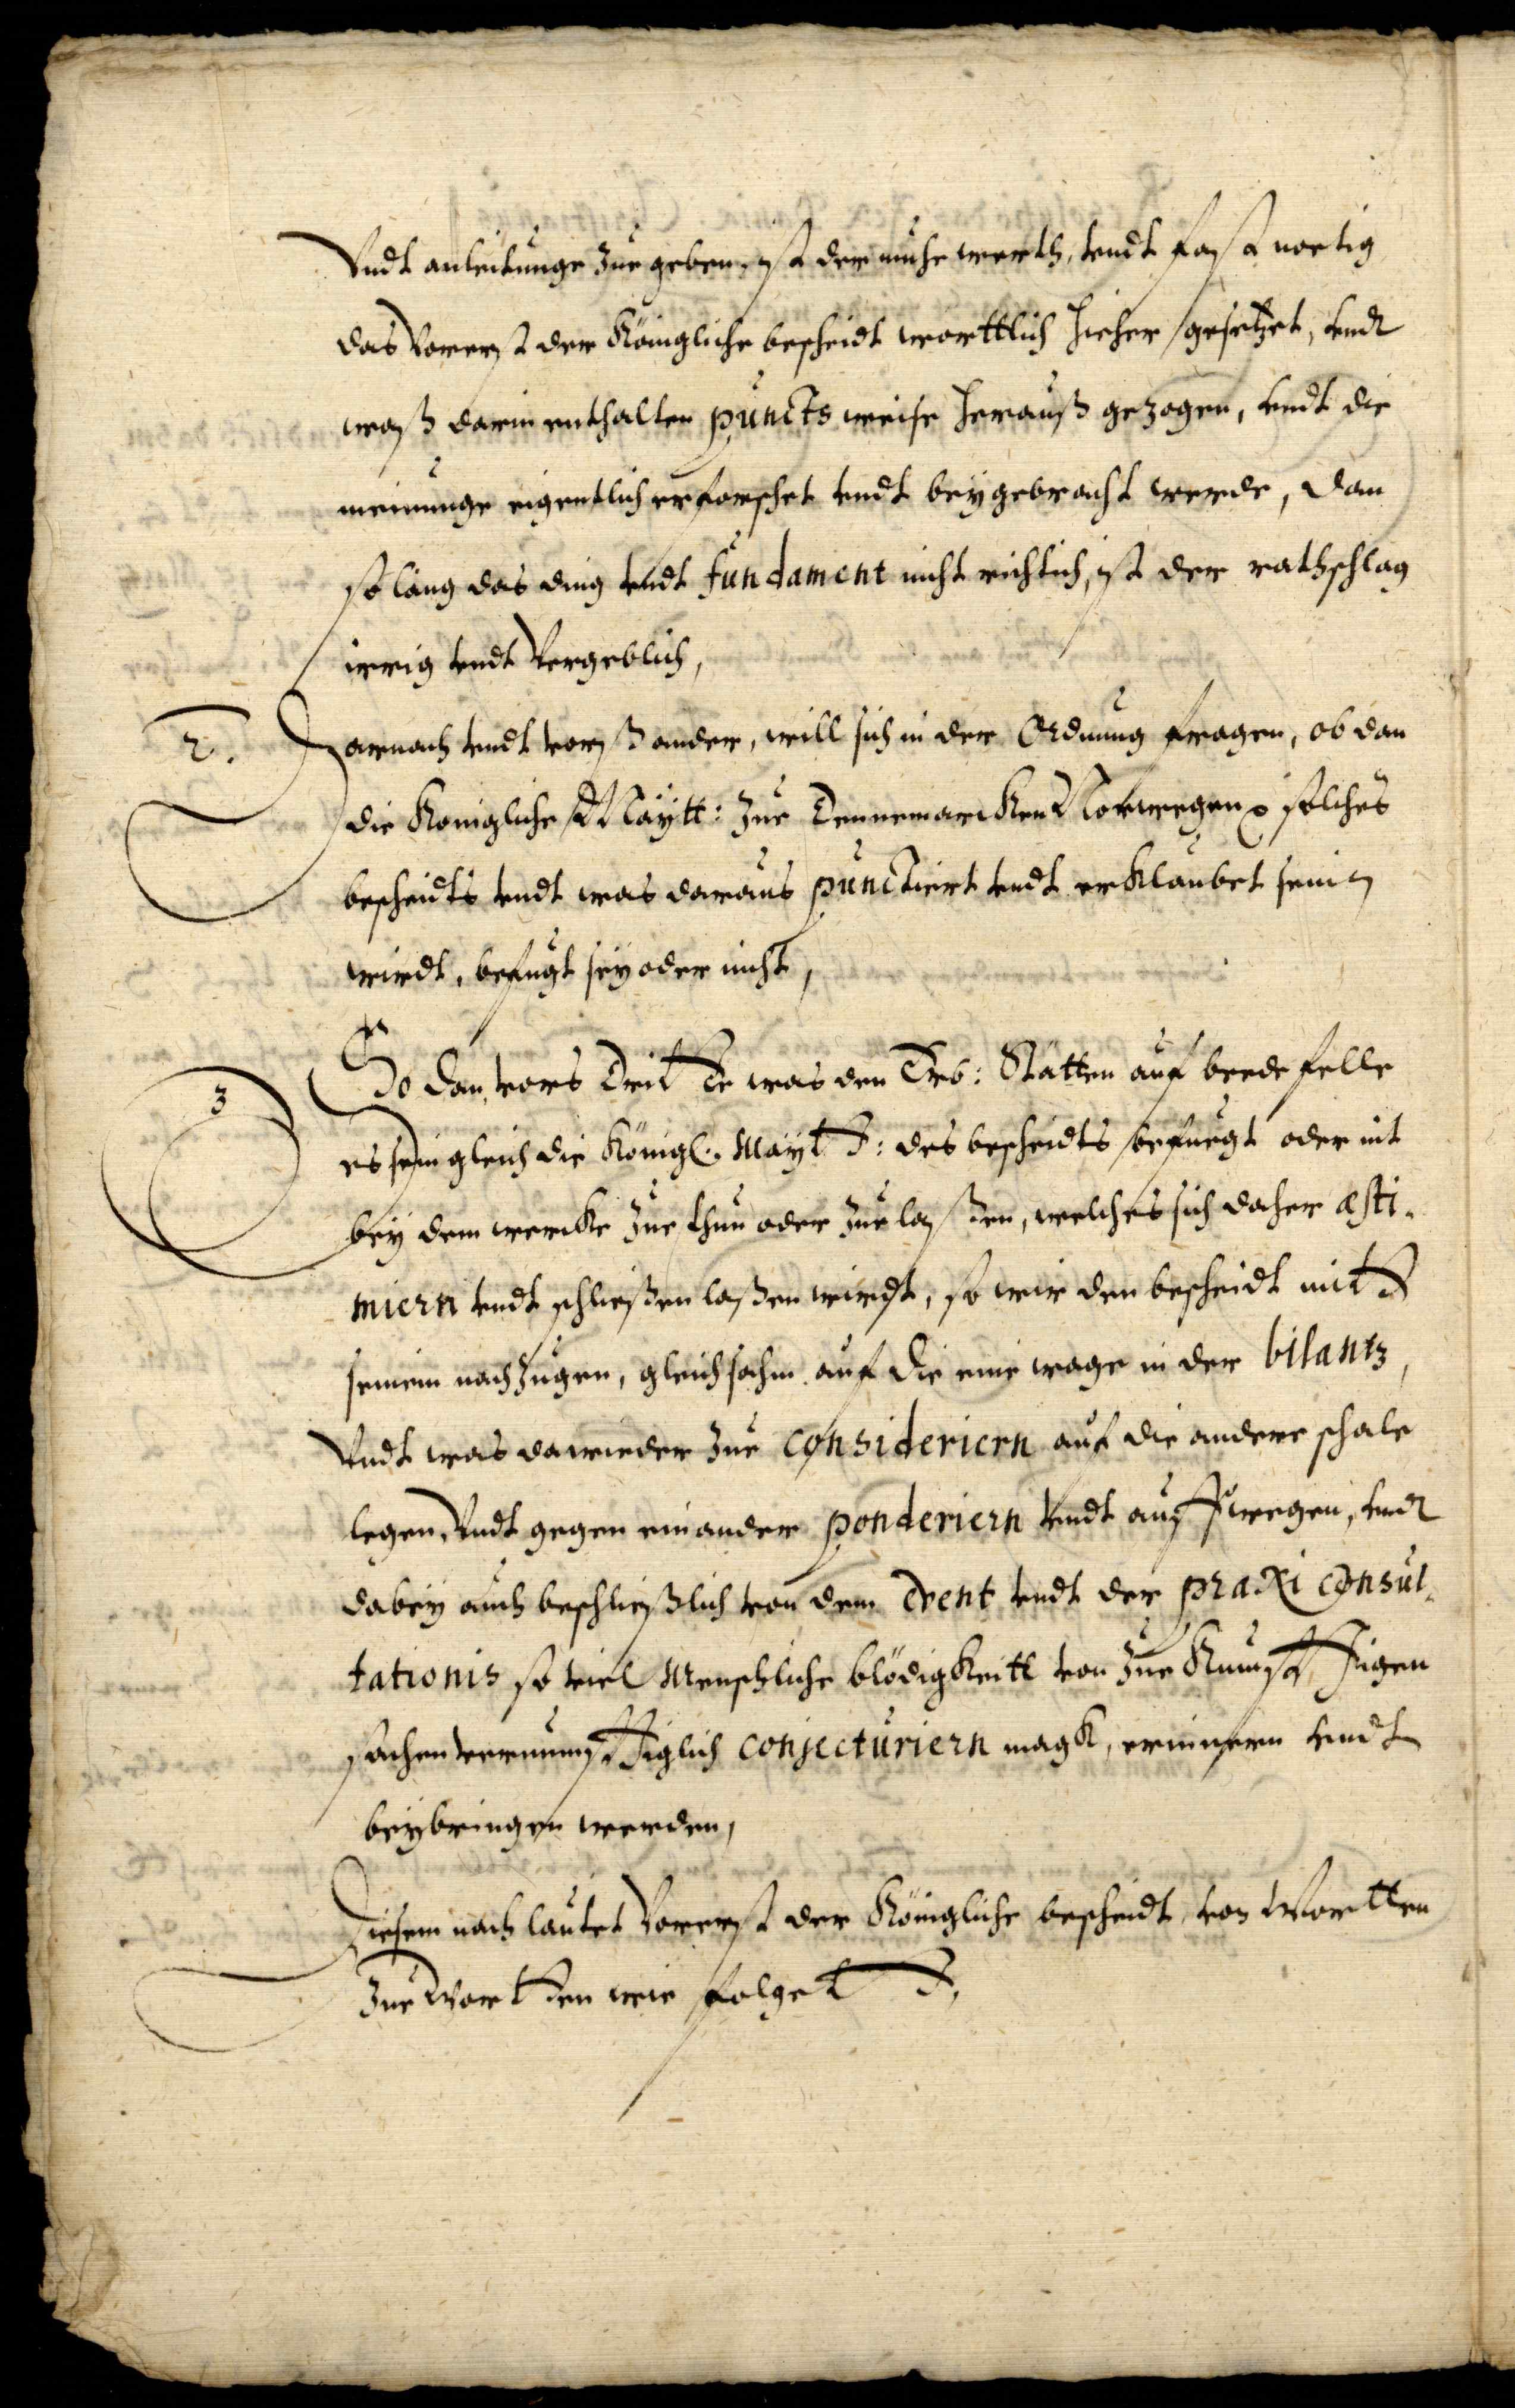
Vndt anleitunge zue geben, ist der muhe werth, vndt fast noetig
das Vorerst der Königliche bescheidt worttlich hieher gesetzet, vndt
waß darin enthalten puncts weise herauß gezogen, vndt die
meinunge eigentlich erforschet vndt beijgebracht werde, dan
so lang das ding vndt fundament nicht richtich, ist der rathschlag
irrig vndt Vergeblich,
Darnach vndt vorß ander, will sich in der Ordnung fragen, ob dan
die Konigliche Maijtt: zue Dennemarcken Norwegen p solches
bescheidts vndt was daraus punctiert vndt erklaubet seinn
wirdt, befugt seij oder nicht,
So dan vors Dritte was den Erb: Stätten auf beede felle
es sein gleich die Königl. Maijtt: des bescheidts befuegt oder mit
beij dem wercke zue thun oder zue laßen, welches sich daher aesti¬
miern vndt schließen laßen wirdt, so wir den bescheidt mitt
seinem nachzugen, gleichsahm auf die eine wage in der bilantz,
Vndt was dawieder zue consideriern auf die andere schale
legen, Vndt gegen einander ponderiern vndt auffwegen, vndt
dabeij auch beschließlich von dem event vndt der praxi consul¬
tationis so viel Menschliche blödigkeitt von zue Kumfftigen
sachen vernumffteglich conjecturiern magk, erinnern vndt
beijbringen werden,
Diesem nach lautet Vorerst der Königliche bescheidt, von Wortten
zue wortten wie folgett,
2.
3
